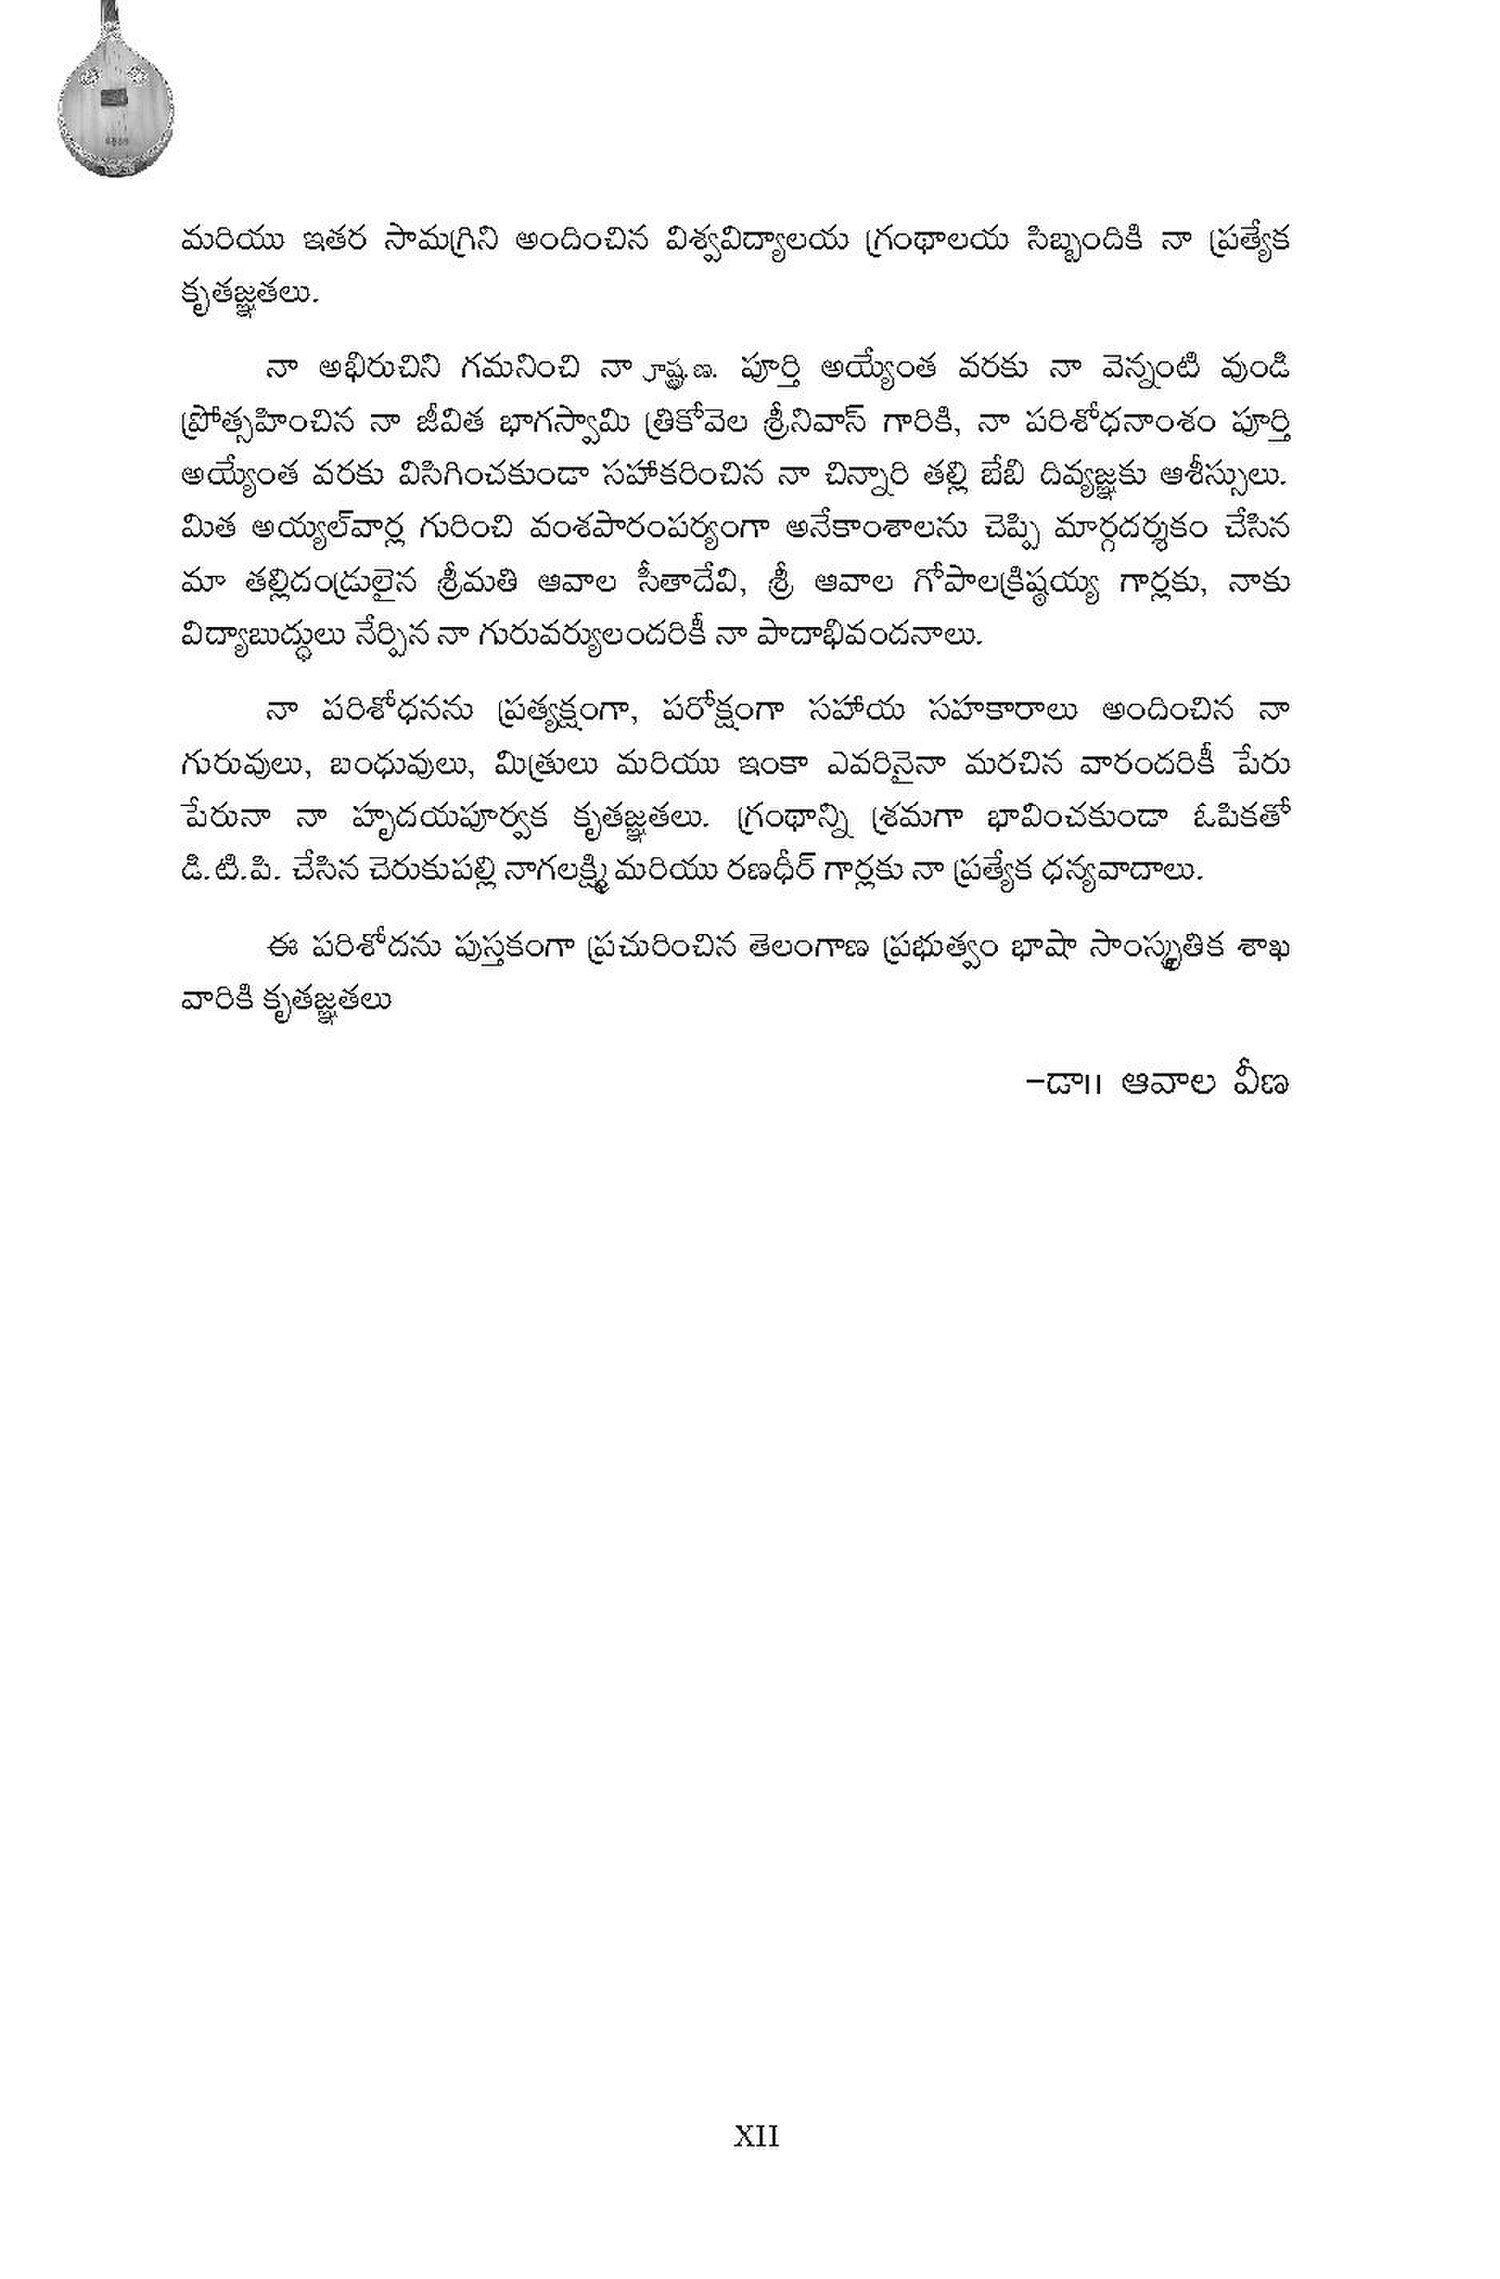మరియు ఇతర సామగ్రిని అందించిన విశ్వవిద్యాలయ గ్రంథాలయ సిబ్బందికి నా ప్రత్యేక కృతజ్ఞతలు.

నా అభిరుచిని గమనించి నా రాష్ట్రణ. పూర్తి అయ్యేంత వరకు నా వెన్నంటి వుండి ప్రోత్సహించిన నా జీవిత భాగస్వామి త్రికోవెల శ్రీనివాస్ గారికి, నా పరిశోధనాంశం పూర్తియ్యేంత వరకు విసిగించకుండా సహాకరించిన నా చిన్నారి తల్లి బేబి దివ్యజ్ఞకు ఆశీస్సులు. మిత అయ్యల్వార్ల గురించి వంశపారంపర్యంగా అనేకాంశాలను చెప్పి మార్గదర్శకం చేసిన మా తల్లిదండ్రులైన శ్రీమతి ఆవాల సీతాదేవి, శ్రీ ఆవాల గోపాలక్రిష్ణయ్య గార్లకు, నాకు విద్యాబుద్ధులు నేర్పిన నా గురువర్యు లందరికీ నా పాదాభివందనాలు.

నా పరిశోధనను ప్రత్యక్షంగా, పరోక్షంగా సహాయ సహకారాలు అందించిన నా గురువులు, బంధువులు, మిత్రులు మరియు ఇంకా ఎవరినైనా మరచిన వారందరికీ పేరు పేరునా నా హృదయపూర్వక కృతజ్ఞతలు. గ్రంథాన్ని శ్రమగా భావించకుండా ఓపికతో డి.టి.పి. చేసిన చెరుకుపల్లి నాగలక్ష్మి మరియు రణధీర్ గార్లకు నా ప్రత్యేక ధన్యవాదాలు.

ఈ పరిశోదను పుస్తకంగా ప్రచురించిన తెలంగాణ ప్రభుత్వం భాషా సాంస్కృతిక శాఖ వారికి కృతజ్ఞతలు